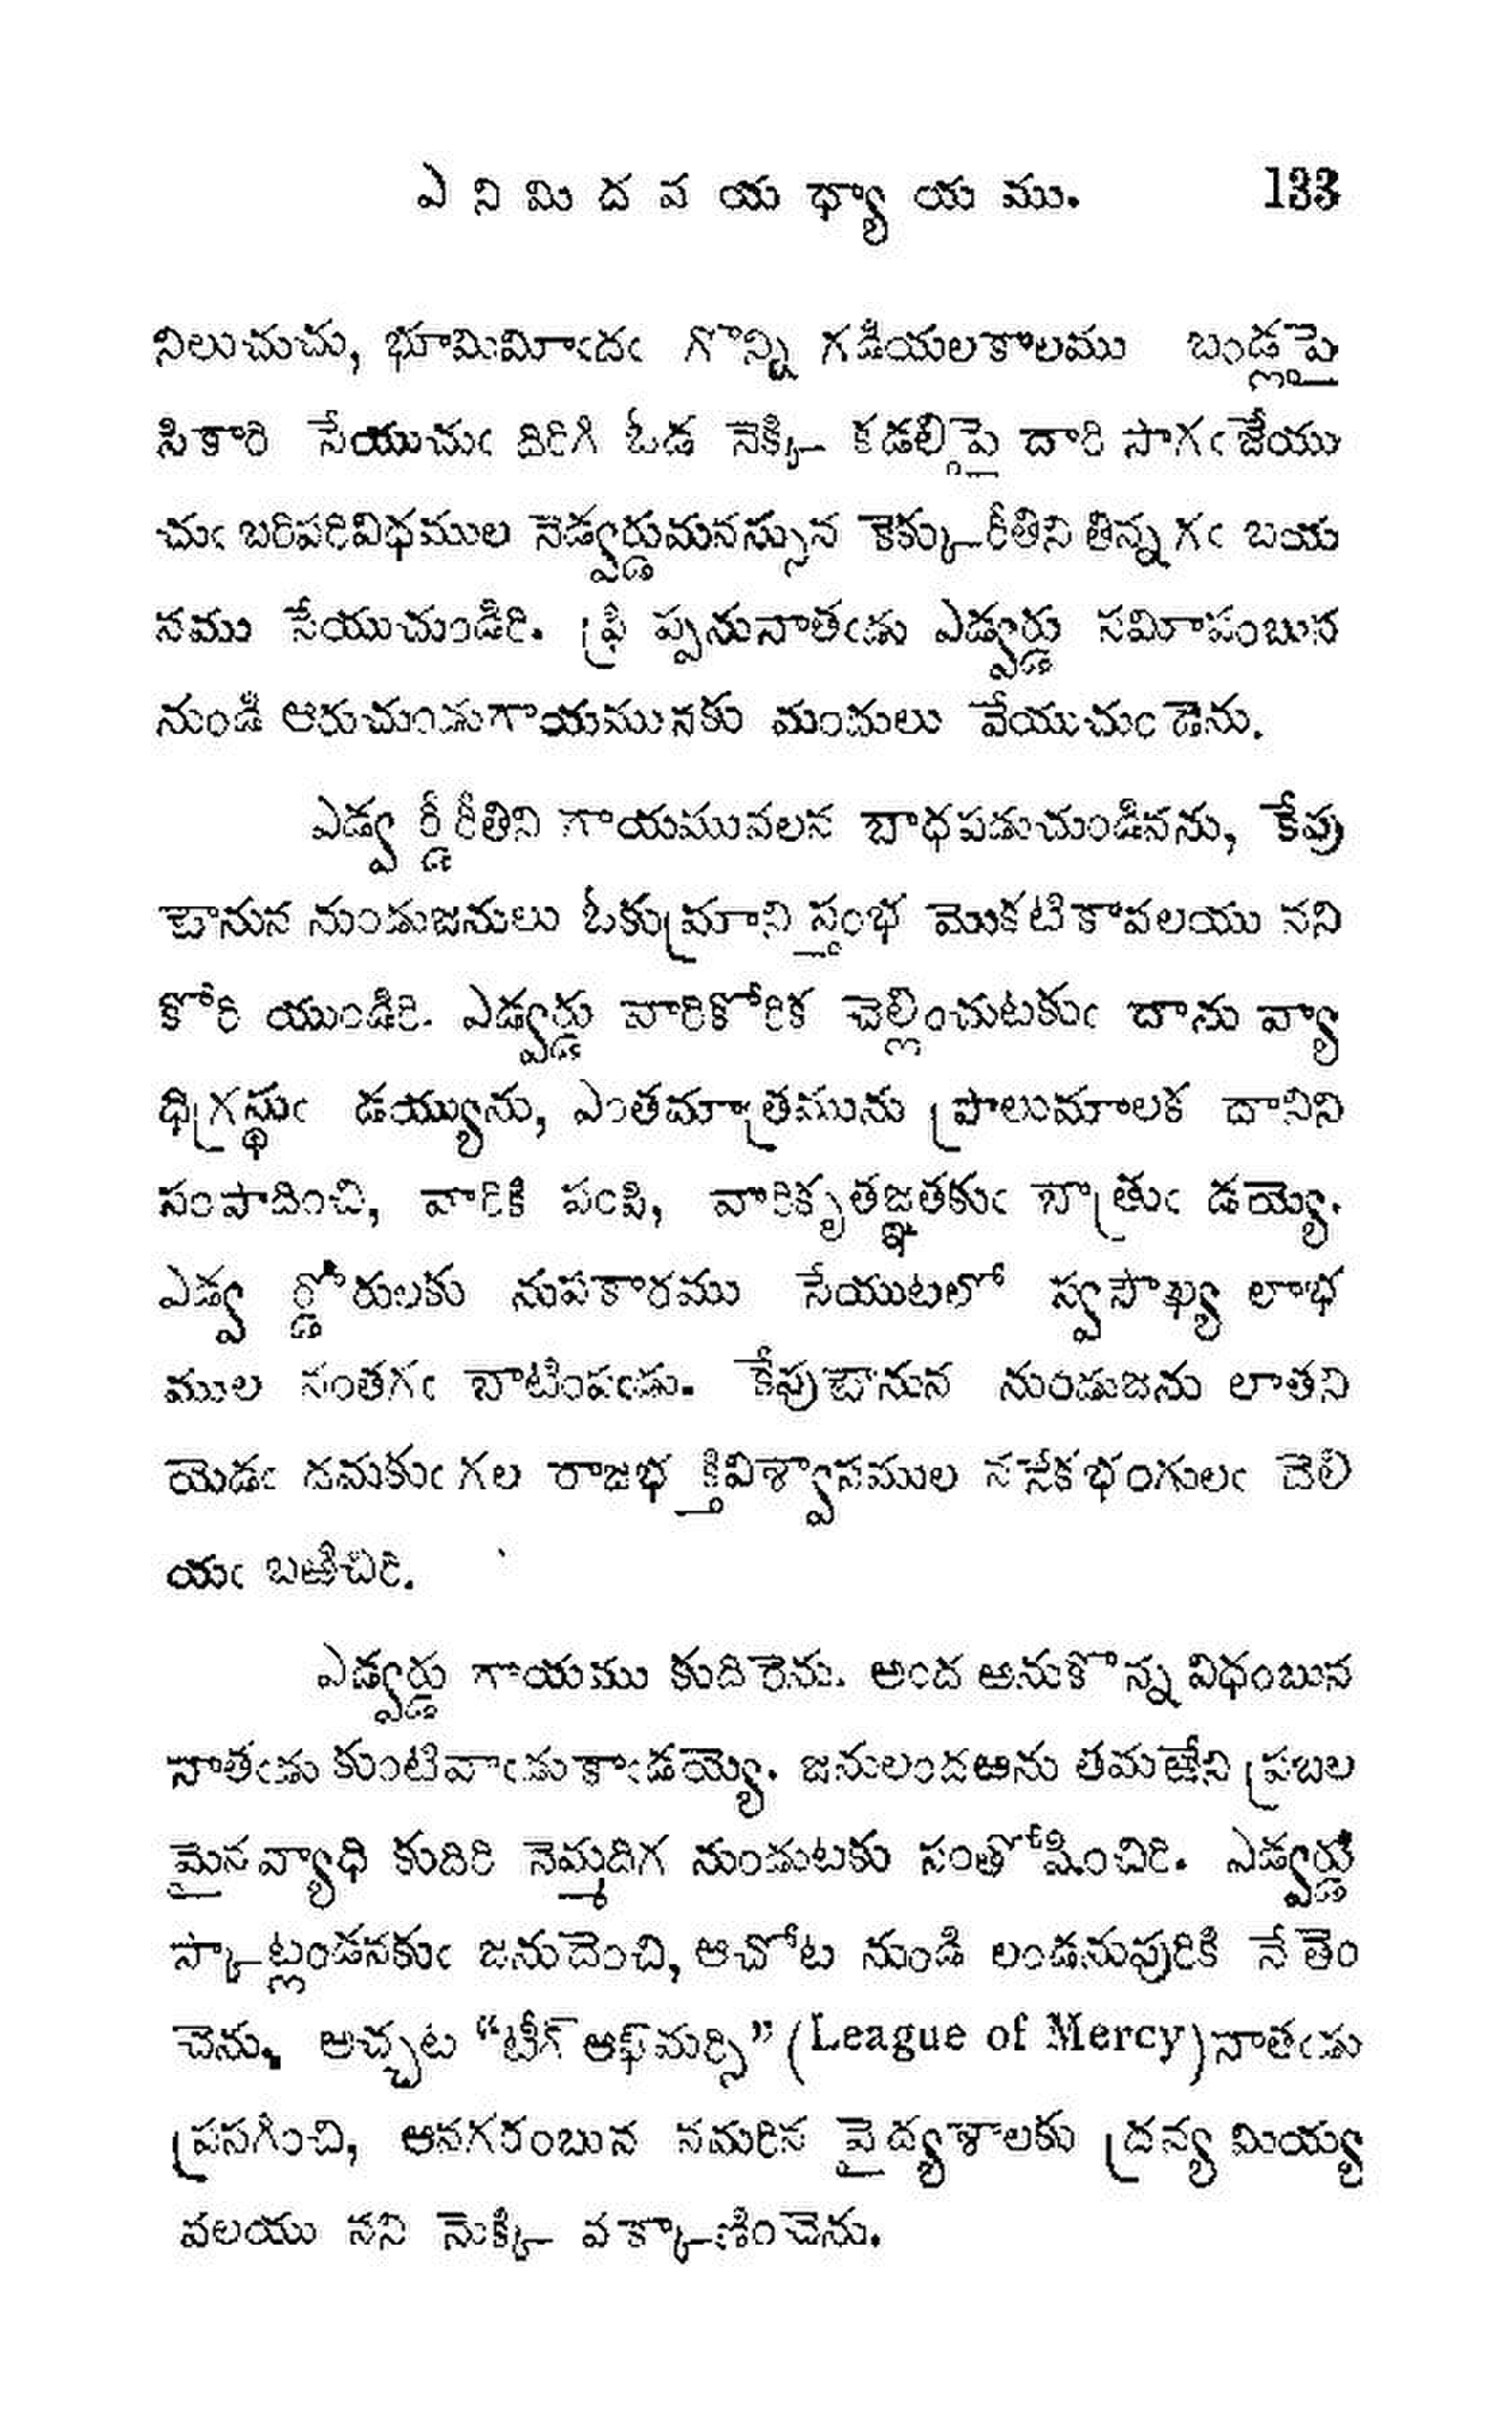నిలుచుచు, భూమి మీఁదఁ గొన్ని గడియల కాలము బండ్లపై సికారి సేయుచుఁ దిరిగి ఓడ నెక్కి కడలి పై దారి సాగఁ జేయు చుఁ బరిపరివిధముల నెడ్వర్డు మనస్సున కెక్కురీతిని తిన్నగఁ బయ నము సేయుచుండిరి. ఫ్రీప్పనునాతఁడు ఎడ్వర్డు సమీపంబున నుండి ఆరుచుండు గాయమునకు మందులు వేయుచుండెను. ఎడ్వర్డీ రీతిని గాయమునలన బాధపడు చుండినను, కేపు టౌనున నుండు జనులు ఓకుమ్రాని స్తంభ మొకటి కావలయు నని కోరి యుండిరి. ఎడ్వర్డు వారి కోరిక చెల్లించుటకుఁ దాను వ్యా ధిగ్రస్థుఁ డయ్యును, ఎంతమాత్రమును ప్రొలుమాలక దానిని సంపాదించి, వారికి పంపి, వాఱికృతజ్ఞతకుఁ బాత్రుఁ డయ్యె'. ఎడ్వర్డోరులకు నుపకారము సేయుటలో స్వసౌఖ్య లాభ ముల సంతగ బాటింపడు. కేపు టౌనున నుండు జను లాతని యెడఁ దనుకుఁ గల రాజభ క్తి విశ్వాసముల ననేక భంగులఁ దెలి యఁ బడిచిరి.

ఎడ్వర్డు గాయము కుదిరెను. అందఱనుకొన్న విధంబున నాతఁడు కుంటివాఁడు కాడయ్యె. జనులందరును తమరేని ప్రబల మైన వ్యాధి కుదిరి నెమ్మదిగ నుండుటకు సంతోషించిరి. ఎడ్వర్లు స్కాట్లండనకుఁ జనుదెంచి, ఆచోట నుండి లండను పురికి నే తెం చెను. అచ్చట "టీగ్ ఆఫ్ మర్సి” (League of Mercy) నాతఁడు ప్రసగించి, ఆనగరంబున సమరిన వైద్యశాలకు ద్రన్య మియ్య వలయు నని నొక్కి వక్కాణించెను.